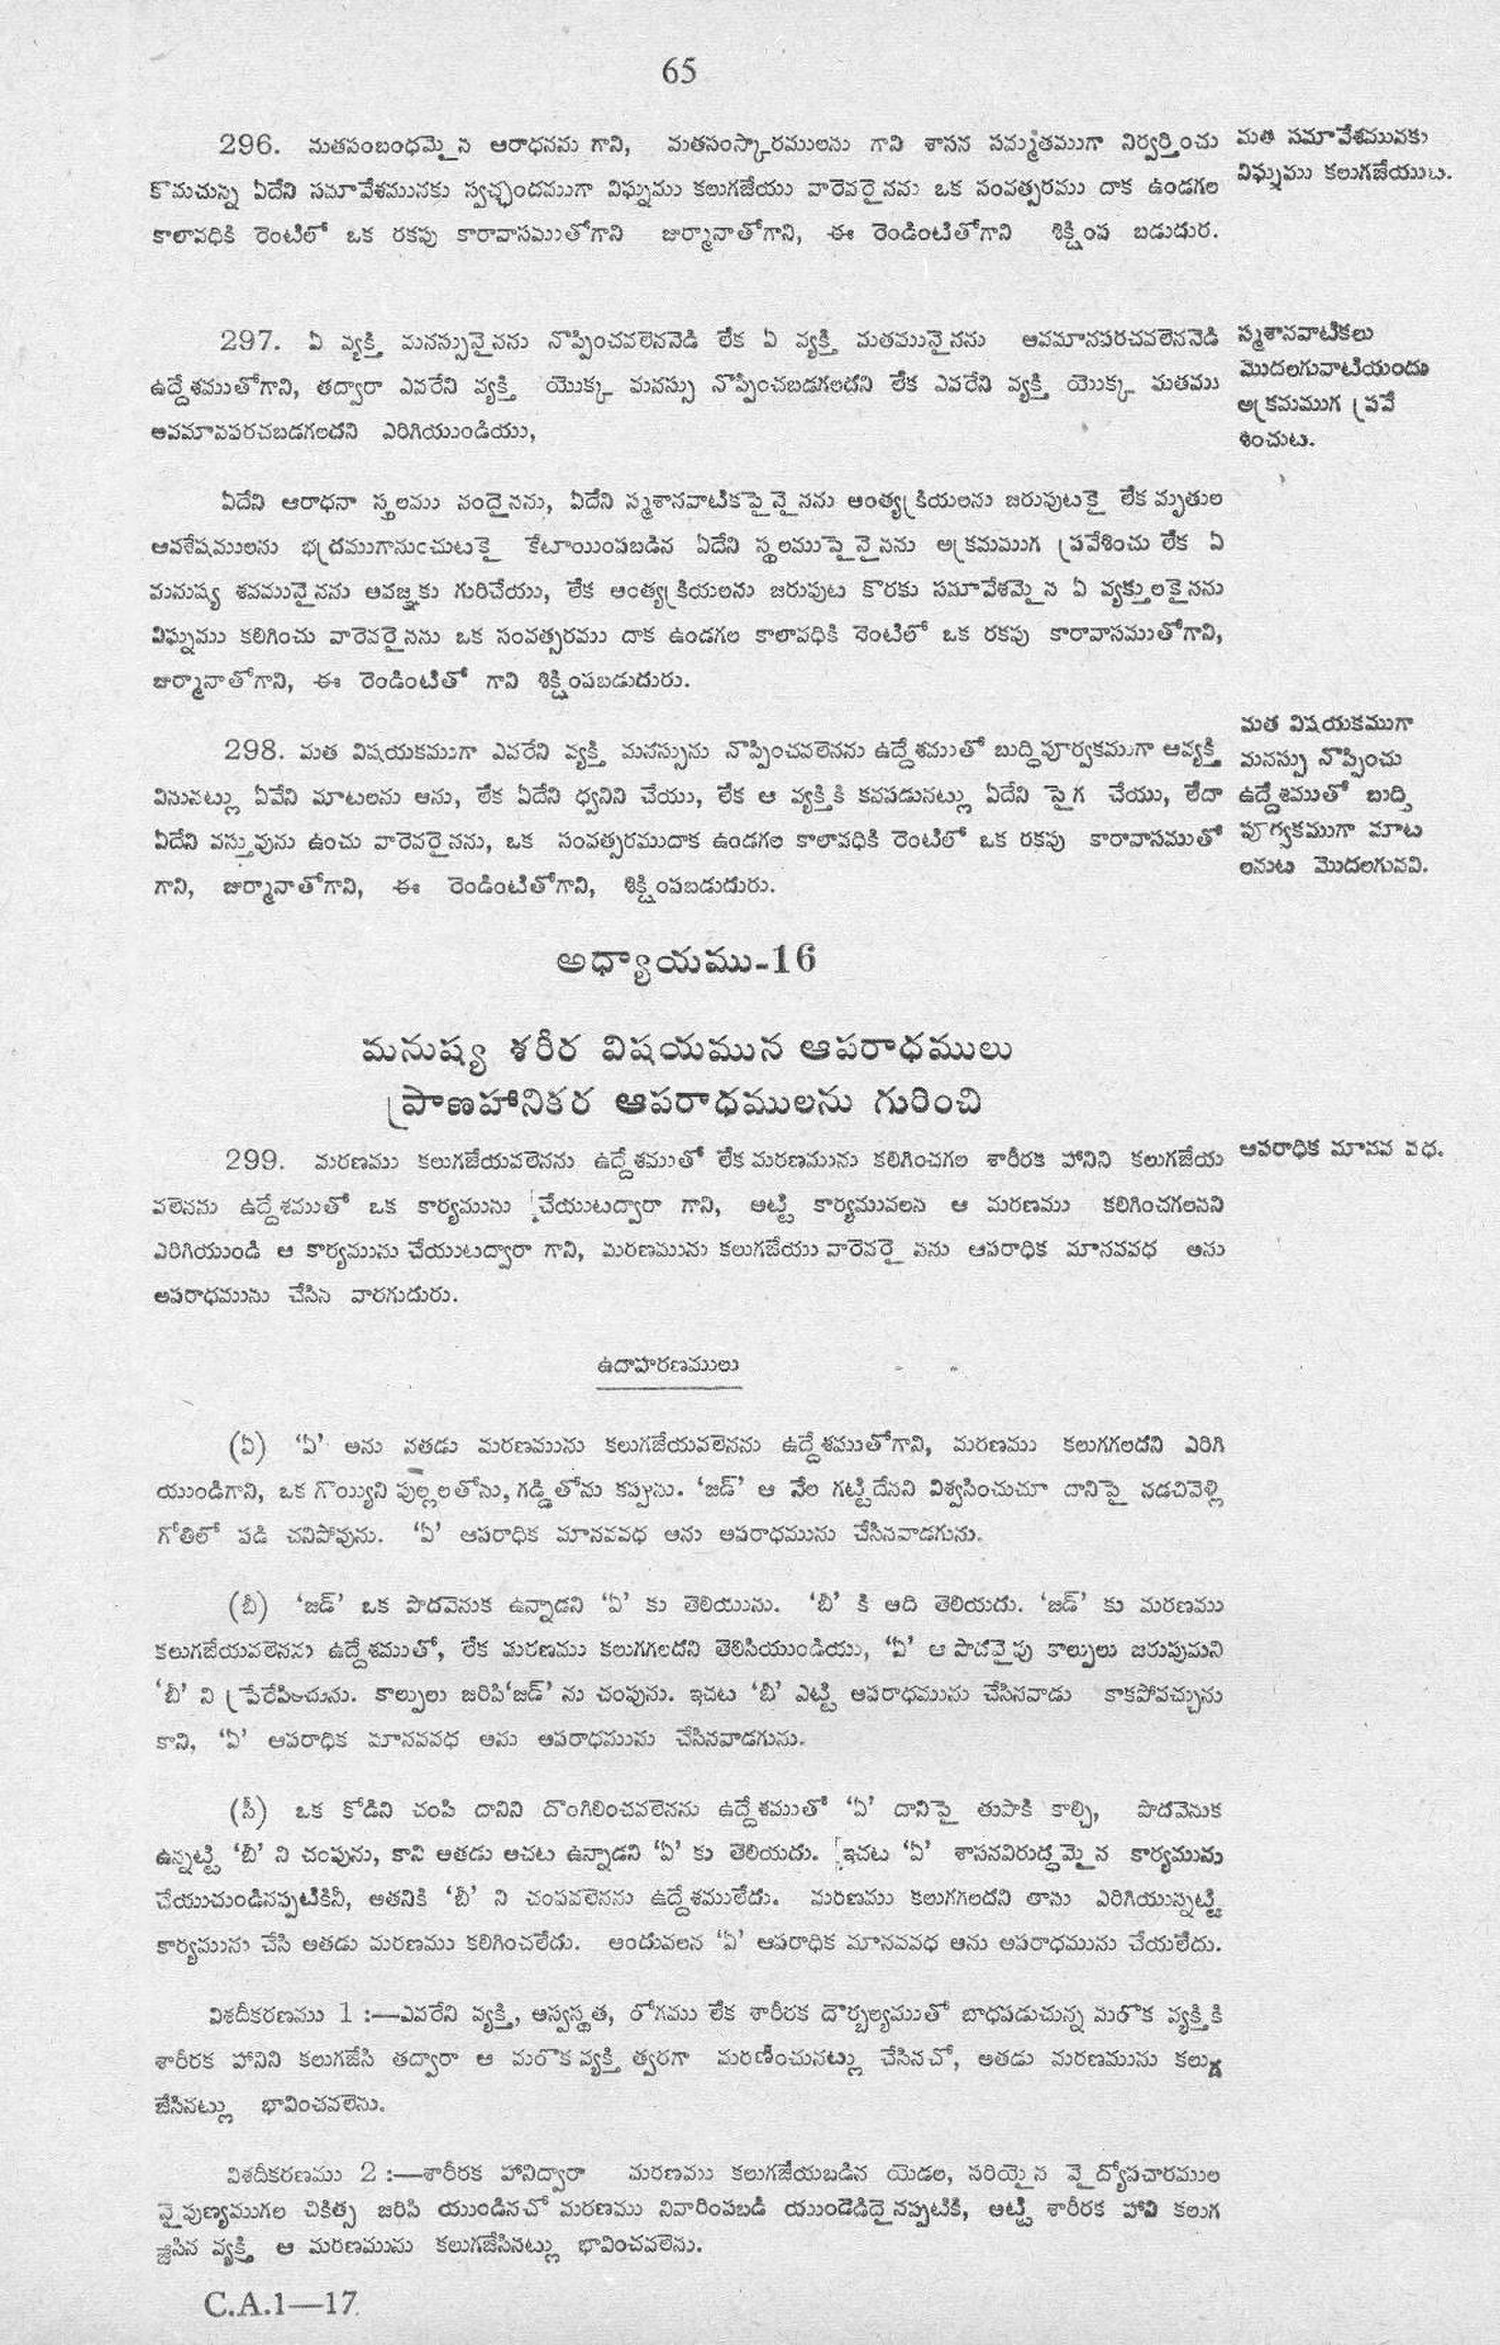మత సమావేశమునకు విఘ్నము కలుగజేయుట.

296. మతసంబంధమైన ఆరాధనను గాని, మతసంస్కారములను గాని శాసన సమ్మతముగా నిర్వర్తించు కొనుచున్న ఏదేని సమా వేశమునకు స్వచ్ఛందముగా విఘ్నము కలుగజేయు వారెవరైనను ఒక సంవత్సరము దాక ఉండగల కాలావధికి రెంటిలో ఒక రకపు కారావాసముతోగాని జుర్మానాతోగాని, ఈ రెండింటితోగాని శిక్షింప బడుదురు.

స్మశానవాటికలు స్మశానవాటికలు అక్రమముగ ప్రవేశించుట
 
297. ఏ వ్యక్తి మనస్సునైనను నొప్పించవలెననెడి లేక ఏ వ్యక్తి మతమునైనను అవమానపరచవలెననెడి ఉద్దేశముతోగాని, తద్వారా ఎవరేని వ్యక్తి యొక్క మనస్సు నొప్పించబడగలదని లేక ఎవరేని వ్యక్తి యొక్క మతము అవమానపరచబడగలదని ఎరిగియుండియు,

ఏదేని ఆరాధనా స్ఠలము నందైనను, ఏదేని స్మశానవాటిక పై నై నను అంత్య క్రియలను జరుపుటకై లేక మృతుల అవశేషములను భద్రముగానుంచుటకై కేటాయింపబడిన ఏదేని స్థలము పై నైనను అక్రమముగ ప్రవేశించు లేక ఏ మనుష్య శవమునై నను ఆవజ్ఞకు గురిచేయు, లేక అంత్య క్రియలను జరుపుట కొరకు సమావేశమైన ఏ వ్యక్తులకైనను విఘ్నము కలిగించు వారెవరైనను ఒక సంవత్సరము దాక ఉండగల కాలావధికి ఇంటిలో ఒక రకపు కారావాసముతోగాని, జుర్మానాతో గాని, ఈ రెండింటితో గాని శిక్షింపబడుదురు.

మత విషయకముగా మనస్సు నొప్పించు ఉద్దేశముతో బుద్ది పూర్వకముగా మాట అనుట మొదలగునవి.

298. మత విషయకముగా ఎవరేని వ్యక్తి మనస్సును నొప్పించవలెనను ఉద్దేశముతో బుద్ధి పూర్వకముగా ఆవ్యక్తి వినునట్లు ఏవేని మాటలను అను, లేక ఏదేని ధ్వనిని చేయు, లేక ఆ వ్యక్తి కి కనపడునట్లు ఏదేని సైగ చేయు, లేదా ఏదేని వస్తువును ఉంచు వారెవరైనను, ఒక సంవత్సరముదాక ఉండగల కాలావధికి రెంటిలో ఒక రకపు కారావాసముతో గాని, జుర్మానాతోగాని, ఈ రెండింటితోగాని, శిక్షింపబడుదురు.

అపరాధిక మానవ వధ.

299. మరణము కలుగజేయవలెనను ఉద్దేశముతో లేక మరణమును కలిగించగల శారీరక హానిని కలుగజేయవలెనను ఉద్దేశముతో ఒక కార్యమును చేయుట ద్వారా గాని, అట్టి కార్యమువలన ఆ మరణము కలిగించగలనని ఎరిగియుండి ఆ కార్యమును చేయుటద్వారా గాని, మరణమును కలుగజేయు వారెవరైనను ఆపరాధిక మానవవధ అను అపరాధమును చేసిన వారగుదురు.

(ఏ) 'ఏ' అను నతడు మరణమును కలుగజేయవలెనను ఉద్దేశముతో గాని, మరణము కలుగగలదని ఎరిగియుండిగాని, ఒక
గొయ్యిని పుల్లలతోను, గడ్డి తోను కప్పును. 'జడ్' ఆ నేల గట్టి దేనని విశ్వసించుచూ దాని పై నడచివెళ్లి గోతిలో పడి చనిపోవును. ఏ ఆపరాధిక మానవవధ ఆను అపరాధమును చేసినవాడగును.

(బి) 'జడ్' ఒక పొదవెనుక ఉన్నాడని 'ఏ' కు తెలియును. 'బి' కి ఆది తెలియదు. 'జడ్' కు మరణము కలుగజేయవలెనను ఉద్దేశముతో, లేక మరణము కలుగగలదని తెలిసియుండియు, 'ఏ' ఆ పొదవై పు కాల్పులు జరుపుమని 'బీ' ని ప్రేరేపించును. కాల్పులు జరిపి 'జడ్' ను చంపును. ఇచట 'బి' ఎట్టి అపరాధమును చేసినవాడు కాకపోవచ్చును కాని, 'ఏ' ఆపరాధిక మానవవధ అను అపరాధమును చేసిన వాడగును.

(సి) ఒక కోడిని చంపి దానిని దొంగిలించవలెనను ఉద్దేశముతో 'ఏ' దాని పై తుపాకి కాల్చి, పొదవెనుక ఉన్నట్టి 'బి' ని చంపును, కాని ఆతడు అచట ఉన్నాడని 'ఏ' కు తెలియదు. ఇచట 'ఏ' శాసనవిరుద్ధమైన కార్యమును చేయుచుండినప్పటికినీ, అతనికి 'బీ' ని చంపవలెనను ఉద్దేశములేదు. మరణము కలుగగలదని తాను ఎరిగియున్నట్టి కార్యమును చేసి అతడు మరణము కలిగించలేదు. అందువలన 'ఏ' ఆపరాధిక మానవవధ అను అపరాధమును చేయలేదు.

విశదీకరణము 1 :-ఎవరేని వ్యక్తి, అస్వస్థత, రోగము లేక శారీరక దౌర్బల్యముతో బాధపడుచున్న మరోక వ్యక్తి కి శారీరక హానిని కలుగజేసి తద్వారా ఆ మరొక వ్యక్తి త్వరగా మరణించునట్లు చేసినచో, అతడు మరణమును కలుగజేసినట్లు భావించవలెను.

విశదీకరణము 2:-శారీరక హానిద్వారా మరణము కలుగజేయబడిన యెడల, సరియైన వైద్యోపచారముల నైపుణ్యముగల చికిత్స జరిపి యుండినచో మరణము నివారింపబడి యుండెడిదైనప్పటికీ, అట్టి శారీరక హాని కలుగజేసిన వ్యక్తి ఆ మరణమును కలుగజేసినట్లు భావించవలెను.